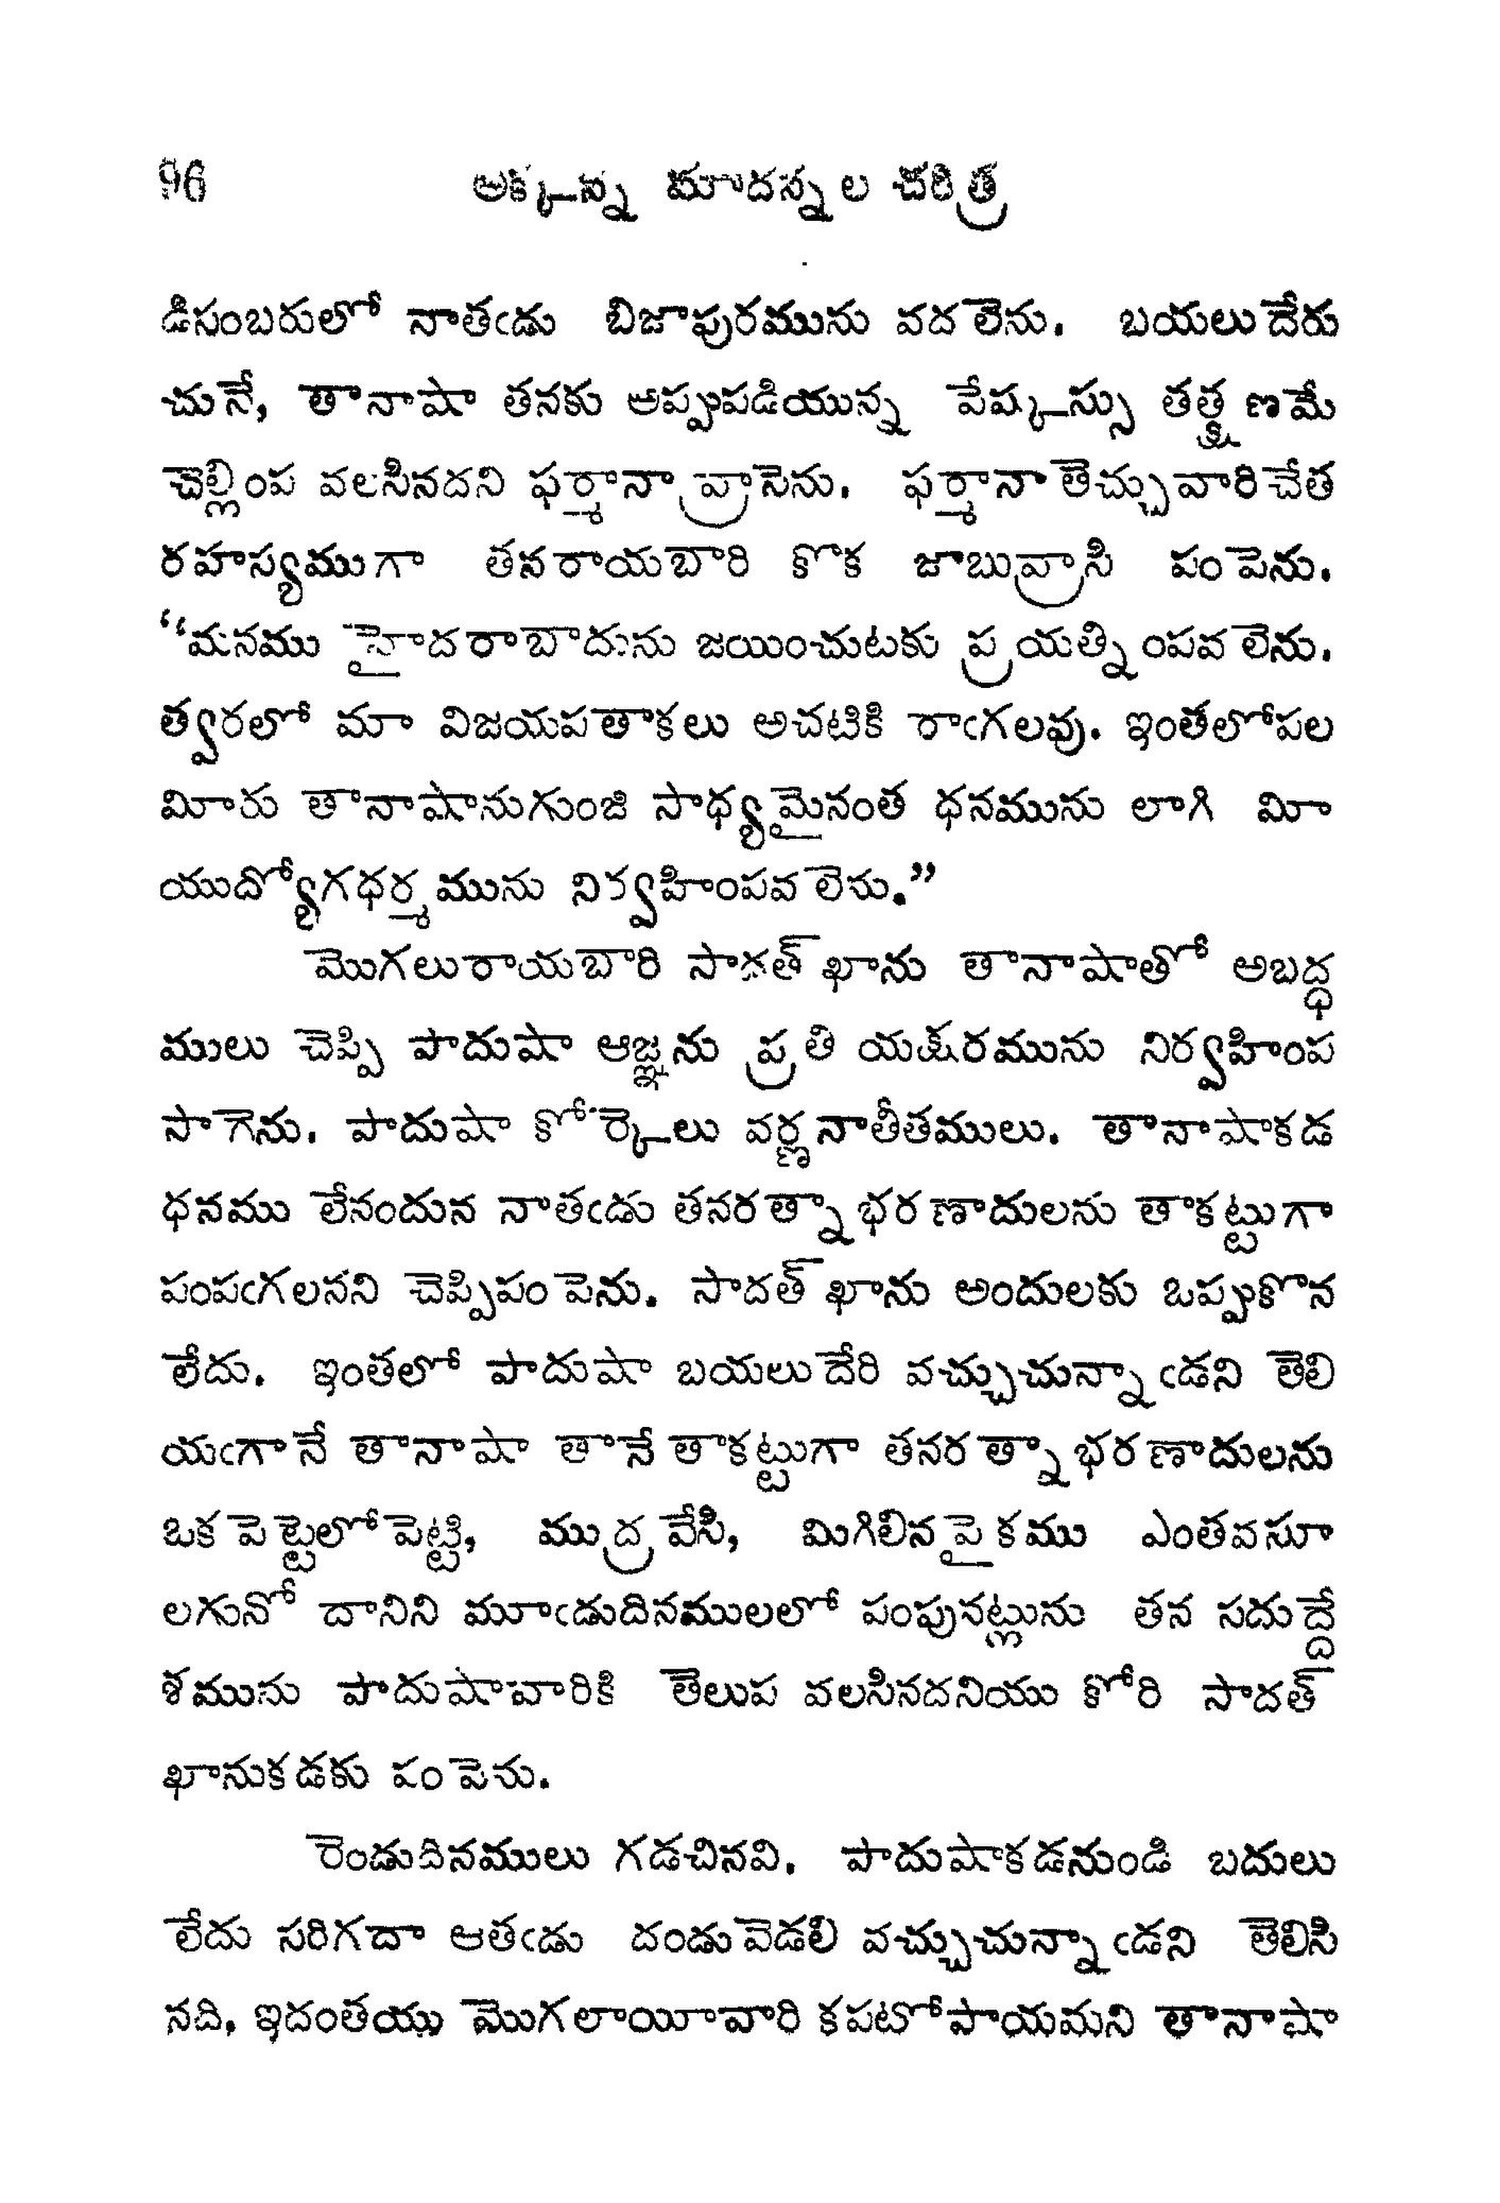డిసంబరులో నాతఁడు బిజాపురమును వదలెను. బయలుదేరుచునే, తానాషా తనకు అప్పుపడియున్న పేష్కస్సు తత్క్షణమే చెల్లింప వలసినదని ఫర్మానా వ్రాసెను. ఫర్మానాతెచ్చువారిచేత రహస్యముగా తనరాయబారి కొక జాబువ్రాసి పంపెను. “మనము హైదరాబాదును జయించుటకు ప్రయత్నింపవలెను. త్వరలో మా విజయపతాకలు అచటికి రాఁగలవు. ఇంతలోపల మీరు తానాషానుగుంజి సాధ్యమైనంత ధనమును లాగి మీ యుద్యోగధర్మమును నిర్వహింపవలెను.”

మొగలురాయబారి సాదత్‌ఖాను తానాషాతో అబద్ధములు చెప్పి పాదుషా ఆజ్ఞను ప్రతి యక్షరమును నిర్వహింప సాగెను. పాదుషా కోర్కెలు వర్ణనాతీతములు. తానాషాకడ ధనము లేనందున నాతఁడు తనరత్నాభరణాదులను తాకట్టుగా పంపఁగలనని చెప్పిపంపెను. సాదత్‌ఖాను అందులకు ఒప్పకొనలేదు. ఇంతలో పాదుషా బయలుదేరి వచ్చుచున్నాఁడని తెలియఁగానే తానాషా తానే తాకట్టుగా తనరత్నాభరణాదులను ఒకపెట్టెలోపెట్టి, ముద్రవేసి, మిగిలినపైకము ఎంతవసూలగునో దానిని మూఁడుదినములలో పంపునట్టును తన సదుద్దేశమును పాదుషావారికి తెలుప వలసినదనియు కోరి సాదత్ ఖానుకడకు పంపెను.

రెండుదినములు గడచినవి. పాదుషాకడనుండి బదులు లేదు సరిగదా ఆతఁడు దండువెడలి వచ్చుచున్నాఁడని తెలిసినది. ఇదంతయు మొగలాయీవారి కపటోపాయమని తానాషా